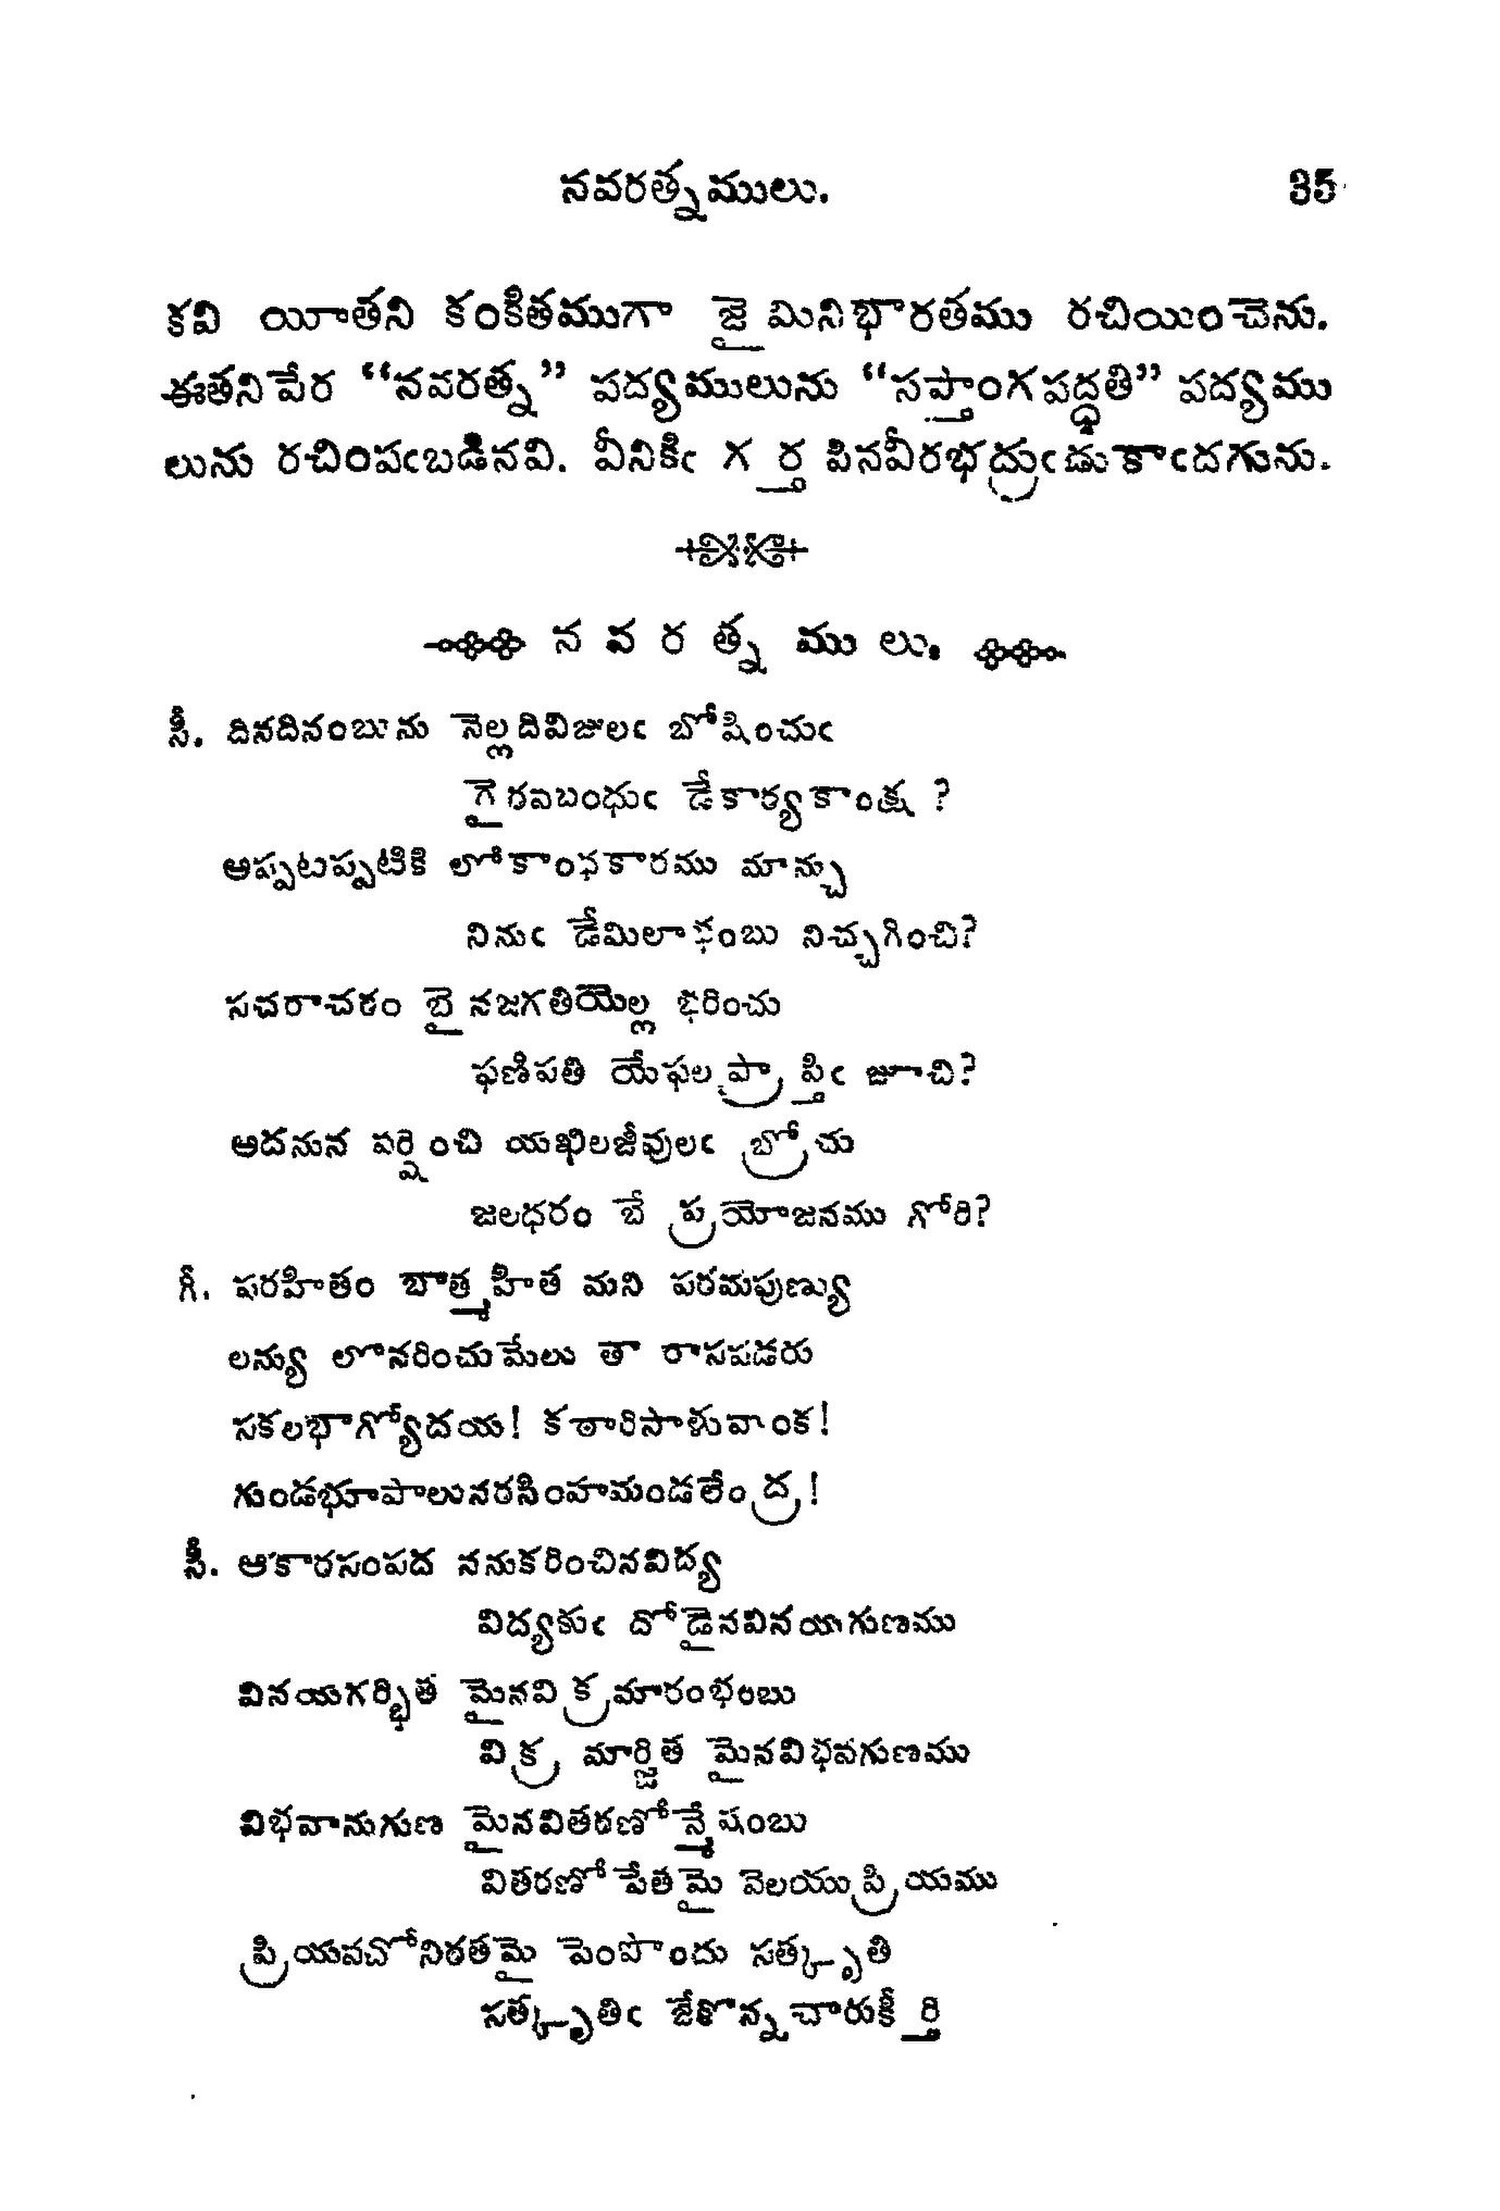కవి యీతని కంకితముగా జైమినిభారతము రచియించెను. ఈతనిపేర “నవరత్న”పద్యములును “సప్తాంగపద్ధతి”పద్యములును రచింపఁబడినవి. వీనికిఁ గర్త పినవీరభద్రుఁడు కాఁదగును.

సీ. దినదినంబును నెల్లదివిజులఁ బోషించుఁ
 గైరవబంధుఁ డేకార్యకాంక్ష?
 అప్పటప్పటికి లోకాంధకారము మాన్చు
 నినుఁ డేమిలాభంబు నిచ్చగించి?
 సచరాచరం బైనజగతియెల్ల భరించు
 ఫణిపతి యేఫలప్రాప్తిఁ జూచి?
 అదనున వర్షించి యఖిలజీవులఁ బ్రోచు
 జలధరం బే ప్రయోజనము గోరె?
గీ. పరహితం బాత్మహిత మని పరమపుణ్యు
 లన్యు లొనరించుమేలు తా రాసపడరు
 సకలభాగ్యోదయ కఠారిసాళువాంక!
 గుండభూపాలునరసింహమండలేంద్ర!
సీ. ఆకారసంపద ననుకరించినవిద్య
 విద్యకుఁ దోడైన వినయగుణము
 వినయగర్భిత మైన విక్రమారంభంబు
 విక్ర మార్జితమైన విభవగుణము
 విభవానుగుణమైన వితరణోన్మేషంబు
 వితరణోపేతమై వెలయుప్రియము
 ప్రియవచోనిరతమై పెంపొందు సత్కృతి
 సత్కృతిఁ జేకొన్న చారుకీర్తి